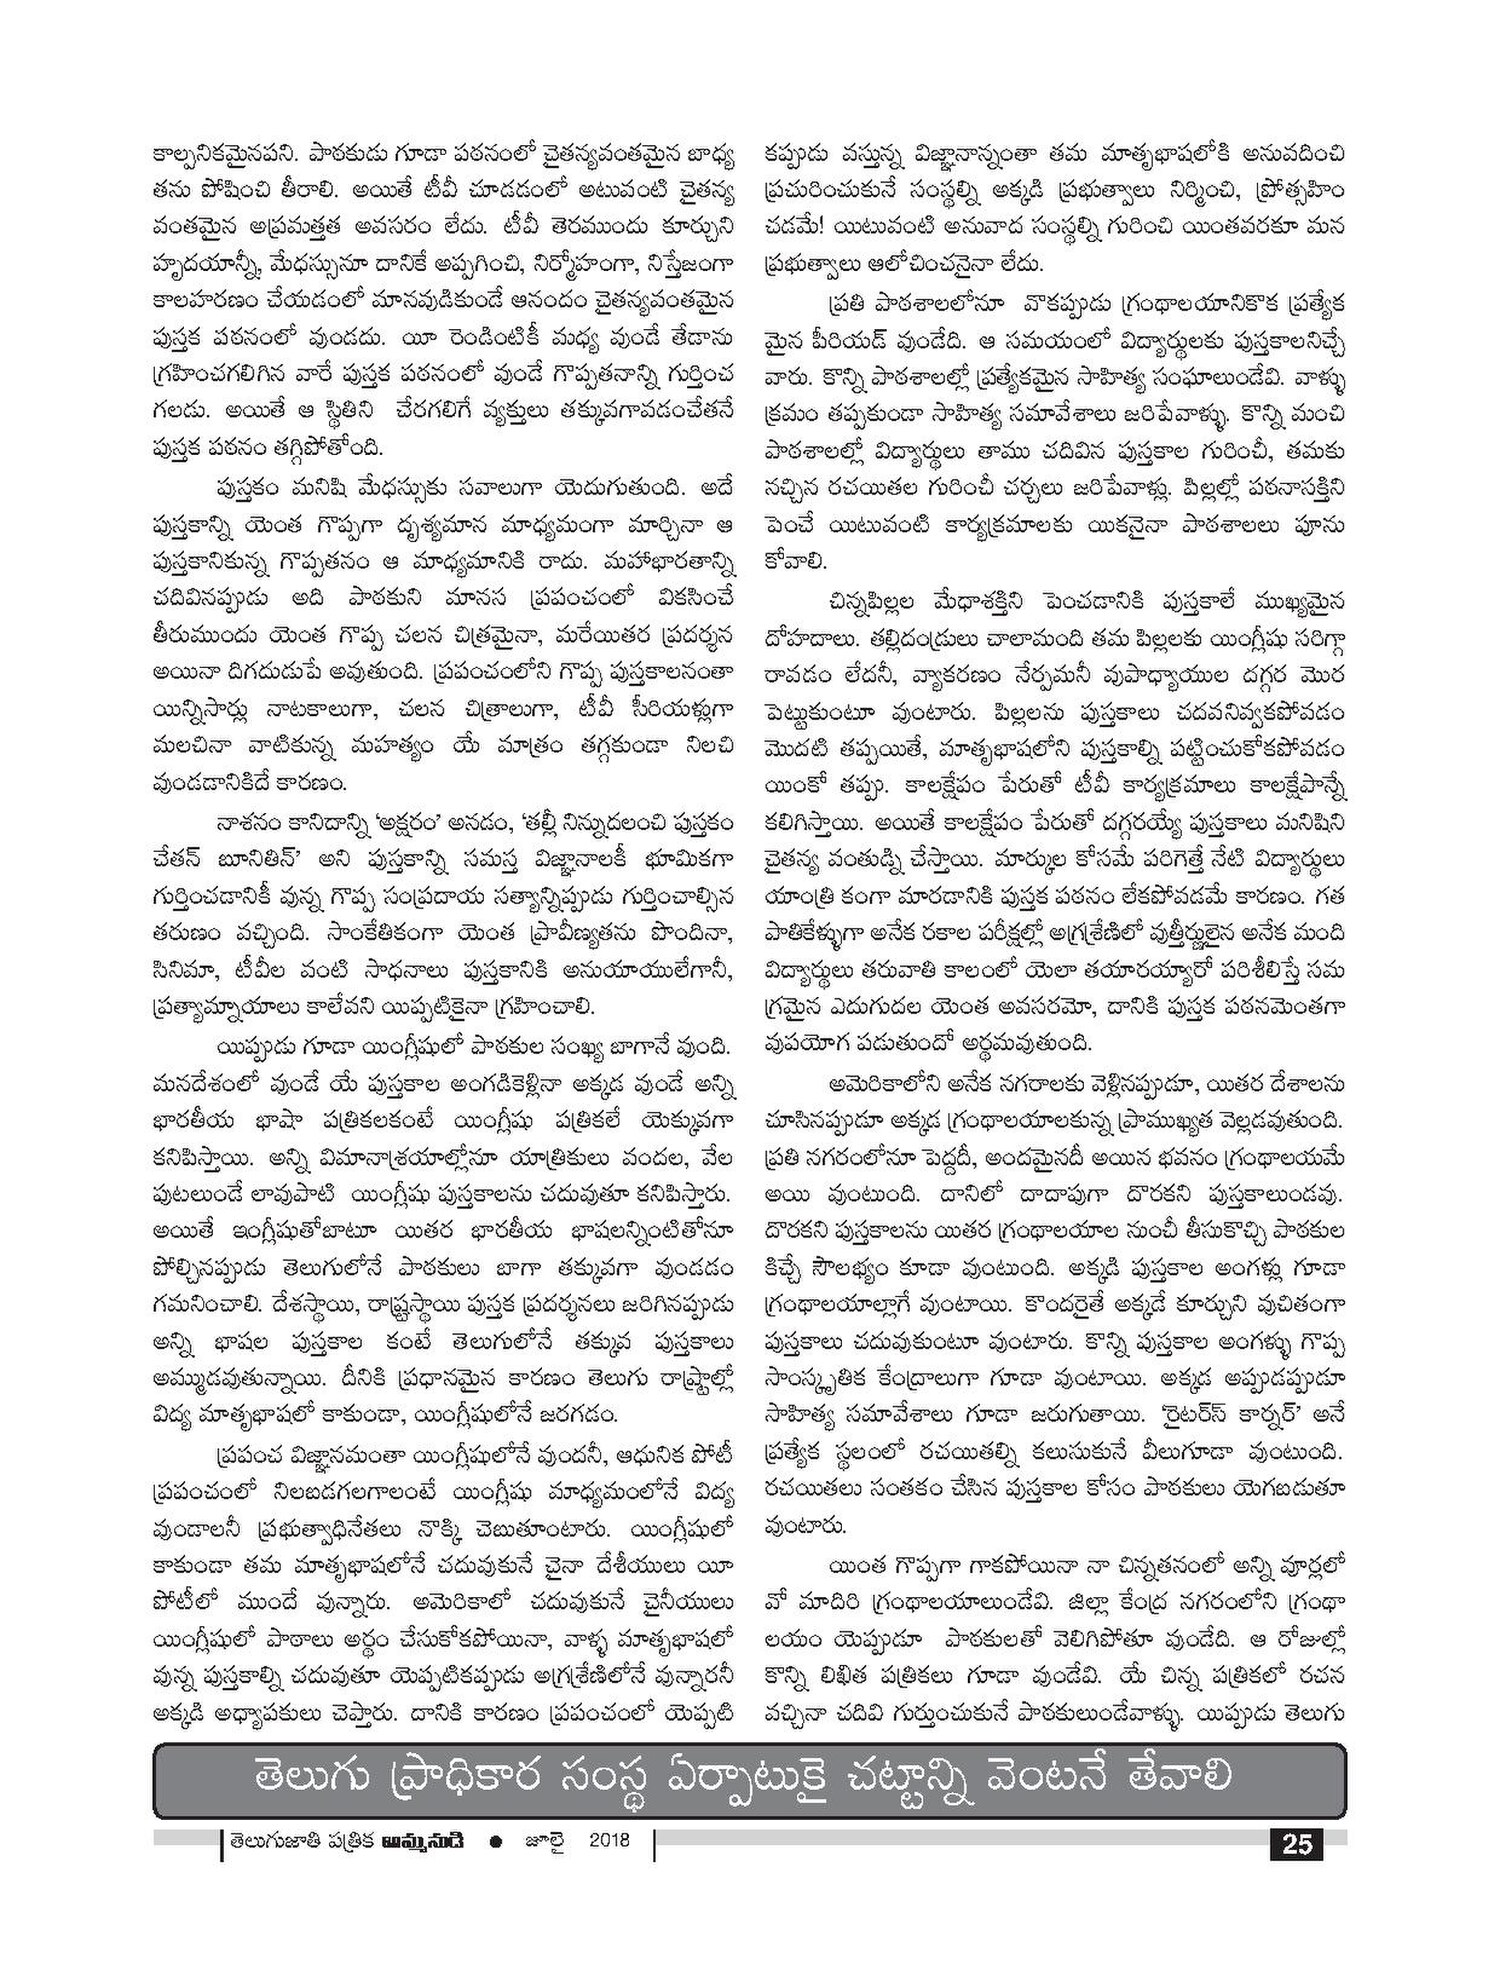కాల్పనికమైనపని. పాఠకుడు గూడా పఠనంలో చైతన్యవంతమైన బాధ్యతను పోషించి తీరాలి. అయితే టీవీ చూడడంలో అటువంటి చైతన్య వంతమైన అప్రమత్తత అవసరం లేదు. టీవీ తెరముందు కూర్చుని హృదయాన్నీ మేధస్సునూ దానికే అప్పగించి, నిర్మోహంగా, నిస్తేజంగా
కాలహరణం చేయడంలో మానవుడికుండే ఆనందం చైతన్యవంతమైన పుస్తక వఠనంలో వుండదు. యీ రెండింటికీ మధ్య వుండే తేడాను గ్రహించగలిగిన వారే పుస్తక పఠనంలో వుండే గొప్పతనాన్ని గుర్తించ గలడు. అయితే ఆ స్థితిని చేరగలిగే వ్యక్తులు తక్కువగావడంచేతనే పుస్తక పఠనం తగ్గిపోతోంది.

పుస్తకం మనిషి మేధస్సుకు సవాలుగా యెదుగుతుంది. అదే పుస్తకాన్ని యెంత గొప్పగా దృశ్యమాన మాధ్యమంగా మార్చినా ఆ పుస్తకానికున్న గొప్పతనం ఆ మాధ్యమానికి రాదు. మహాభారతాన్ని
చదివినప్పుడు అది పాఠకుని మానస ప్రపంచంలో వికసించే తీరుముందు యెంత గొప్ప చలన చిత్రమైనా, మరేయితర ప్రదర్శన అయినా దిగదుడుపే అవుతుంది. ప్రపంచంలోని గొప్ప పుస్తకాలనంతా యిన్నిసార్లు నాటకాలుగా చలన చిత్రాలుగా, టీవీ సీరియళ్లుగా మలచినా వాటికున్న మహత్యం యే మాత్రం తగ్గకుండా నిలచి వుండడానికిదే కారణం.

నాశనం కానిదాన్ని 'అక్షరం' అనడం, 'తల్లీ నిన్నుదలంచి పుస్తకం చేతన్‌ బూనితిన్‌' అని పుస్తకాన్ని సమస్త విజ్ఞానాలకీ భూమికగా గుర్తించడానికీ వున్న గొప్ప సంప్రదాయ సత్యాన్నిప్పుడు గుర్తించాల్సిన
తరుణం వచ్చింది. సాంకేతికంగా యెంత ప్రావీణ్యతను పొందినా, సినిమా టీవీల వంటి సాధనాలు పుస్తకానికి అనుయాయులేగానీ, ప్రత్యామ్నాయాలు కాలేవని యిప్పటికైనా గ్రహించాలి.

యిప్పుడు గూడా యింగ్లీషులో పాఠకుల సంఖ్య బాగానే వుంది. మనదేశంలో వుండే యే పుస్తకాల అంగడికెళ్లినా అక్కడ వుండే అన్ని భారతీయ భాషా పత్రికలకంటే యింగ్లీషు పత్రికలే యెక్కువగా
కనిపిస్తాయి. అన్ని విమానాశ్రయాల్లోనూ యాత్రికులు వందల, వేల పుటలుండే లావుపాటి యింగ్లీషు పుస్తకాలను చదువుతూ కనిపిస్తారు. అయితే ఇంగ్లీషుతోబాటూ యితర భారతీయ భాషలన్నింటితోనూ పోల్చినప్పుడు తెలుగులోనే పాఠకులు బాగా తక్కువగా వుండడం గమనించాలి. దేశస్థాయి, రాష్ట్రస్థాయి పుస్తక ప్రదర్శనలు జరిగినప్పుడు అన్ని భాషల పుస్తకాల కంటే తెలుగులోనే తక్కువ పుస్తకాలు అమ్ముడవుతున్నాయి. దీనికి ప్రధానమైన కారణం తెలుగు రాష్ట్రాల్లో విద్య మాతృభాషలో కాకుండా, యింగ్లీషులోనే జరగడం.

ప్రపంచ విజ్ఞానమంతా యింగ్లీషులోనే వుందనీ, ఆధునిక పోటీ ప్రపంచంలో నిలబడగలగాలంటే యింగ్లీషు మాధ్యమంలోనే విద్య వుండాలనీ ప్రభుత్వాధినేతలు నొక్కి చెబుతూంటారు. యింగ్లీషులో
కాకుండా తమ మాతృభాషలోనే చదువుకునే చైనా దేశీయులు యీ పోటీలో ముందే వున్నారు. అమెరికాలో చదువుకునే చైనీయులు యింగ్లీషులో పాఠాలు అర్ధం చేసుకోకపోయినా, వాళ్ళ మాతృభాషలో వున్న పుస్తకాల్ని చదువుతూ యెవ్పటికవ్చుడు అగ్రశ్రేణిలోనే వున్నారనీ అక్కడి అధ్యాపకులు చెప్తారు. దానికి కారణం ప్రవంచంలో యెప్పటి కప్పుడు వస్తున్న విజ్ఞానాన్నంతా తమ మాతృభాషలోకి అనువదించి ప్రచురించుకునే సంస్థల్ని అక్కడి ప్రభుత్వాలు నిర్మించి, ప్రోత్సహించడమే! యిటువంటి అనువాద సంస్థల్ని గురించి యింతవరకూ మన ప్రభుత్వాలు ఆలోచించనైనా లేదు.

ప్రతి పాఠశాలలోనూ వొకప్పుడు గ్రంథాలయానికొక ప్రత్యేకమైన పీరియడ్‌ వుందేది. ఆ సమయంలో విద్యార్థులకు పుస్తకాలనిచ్చేవారు. కొన్ని పాఠశాలల్లో ప్రత్యేకమైన సాహిత్య సంఘాలుండేవి. వాళ్ళు
క్రమం తప్పకుండా సాహిత్య సమావేశాలు జరిపేవాళ్ళు. కొన్ని మంచి పాఠశాలల్లో విద్యార్థులు తాము చదివిన పుస్తకాల గురించీ, తమకు నచ్చిన రచయితల గురించీ చర్చలు జరిపేవాళ్లు. పిల్లల్లో పఠనాసక్తిని పెంచే యిటువంటి కార్యక్రమాలకు యికనైనా పాఠశాలలు పూను కోవాలి.

చిన్నపిల్లల మేధాశక్తిని పెంచడానికి వుస్తకాలే ముఖ్యమైన దోహదాలు. తల్లిదండ్రులు చాలామంది తమ పిల్లలకు యింగ్లీషు సరిగ్గా రావడం లేదనీ, వ్యాకరణం నేర్పమనీ వుపాధ్యాయుల దగ్గర మొరపెట్టుకుంటూ వుంటారు. పిల్లలను పుస్తకాలు చదవనివ్వకపోవడం మొదటి తప్పయితే, మాతృభాషలోని పుస్తకాల్ని పట్టించుకోకపోవడం యింకో తప్పు. కాలక్షేపం పేరుతో టీవీ కార్యక్రమాలు కాలక్షేపాన్నే కలిగిస్తాయి. అయితే కాలక్షేపం పేరుతో దగ్గరయ్యే పుస్తకాలు మనిషిని చైతన్య వంతుడ్ని చేస్తాయి. మార్కుల కోసమే పరిగెత్తే నేటి విద్యార్థులు యాంత్రి కంగా మారడానికి పుస్తక పఠనం లేకపోవడమే కారణం. గత పాతికేళ్ళుగా అనేక రకాల పరీక్షల్లో అగ్రశ్రేణిలో వుత్తీర్ణులైన అనేక మంది
విద్యార్థులు తరువాతి కాలంలో యెలా తయారయ్యారో పరిశీలిస్తే సమగ్రమైన ఎదుగుదల యెంత అవసరమో, దానికి పుస్తక వఠనమెంతగా వుపయోగ పడుతుందో అర్ధమవుతుంది.

అమెరికాలోని అనేక నగరాలకు వెళ్లినప్పుడూ, యితర దేశాలను చూసినప్పుడూ అక్కడ [గ్రంథాలయాలకున్న ప్రాముఖ్యత వెల్లడవుతుంది. ప్రతి నగరంలోనూ పెద్దదీ, అందమైనదీ అయిన భవనం గ్రంథాలయమే అయి వుంటుంది. దానిలో దాదాపుగా దొరకని పుస్తకాలుండవు.
దొరకని పుస్తకాలను యితర గ్రంథాలయాల నుంచీ తీసుకొచ్చి పాఠకుల కిచ్చే సౌలభ్యం కూడా వుంటుంది. అక్కడి పుస్తకాల అంగళ్లు గూడా గ్రంథాలయాల్లాగే వుంటాయి. కొందరైతే అక్కడే కూర్చుని వుచితంగా పుస్తకాలు చదువుకుంటూ వుంటారు. కొన్ని పుస్తకాల అంగళ్ళు గొప్ప
సాంస్కృతిక కేంద్రాలుగా గూడా వుంటాయి. అక్కడ అప్పుడప్పుడూ సాహిత్య సమావేశాలు గూడా జరుగుతాయి. 'రైటర్‌స్‌ కార్నర్‌' అనే ప్రత్యేక స్థలంలో రచయితల్ని కలుసుకునే వీలుగూడా వుంటుంది. రచయితలు సంతకం చేసిన పుస్తకాల కోసం పాఠకులు యెగబడుతూ వుంటారు.

యింత గొప్పగా గాకపోయినా నా చిన్నతనంలో అన్ని వూర్లలో వో మాదిరి గ్రంధాలయాలుండేవి. జిల్లా కేంద్ర నగరంలోని గ్రంథాలయం యెప్పుడూ పాఠకులతో వెలిగిపోతూ వుండేది. ఆ రోజుల్లో
కొన్ని లిఖిత పత్రికలు గూడా వుండేవి. యే చిన్న వత్రికలో రచన వచ్చినా చదివి గుర్తుంచుకునే పాఠకులుండేవాళ్ళు. యిప్పుడు తెలుగు

తెలుగు ప్రాధికార సంస్థ ఏర్పాటుకై చట్టాన్ని వెంటనే తేవాలి